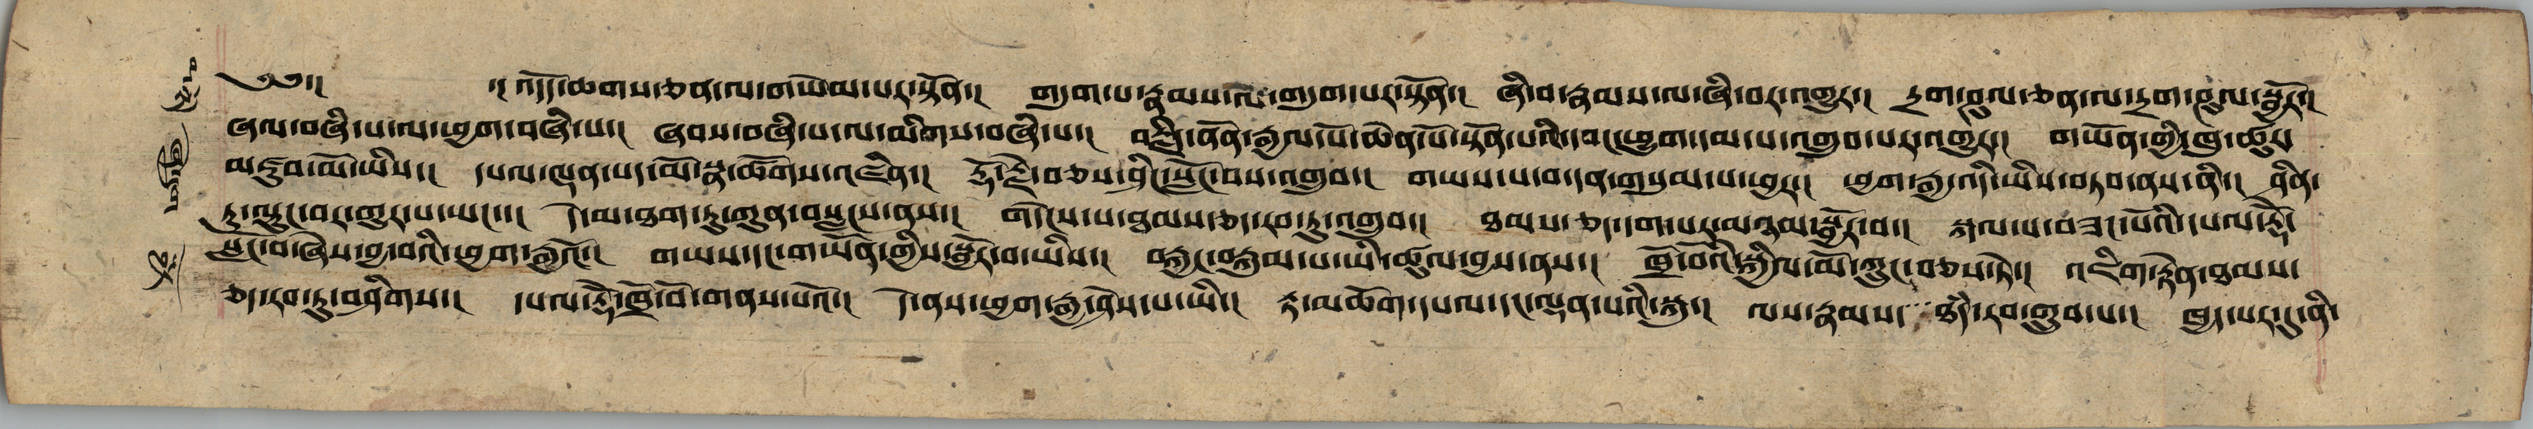༄༅་། ་།འདོད་ཆགས་ཅན་ལ་གཡེམ་པར་སྟོན་། གདུག་པ་རྣམས་ལ་གདུག་པར་སྟོན་། ཞི་བ་རྣམས་ལ་ཞི་བར་འགྱུར་། དྲག་ཤུལ་ཅན་ལ་དྲག་ཤུལ་སྦྱོར་།
ཞལ་བཞི་པ་ལ་ཕྱག་བཞི་པ་། ཞབས་བཞི་པ་ལ་མིགས་བཞི་པ་། བརྗིད་ནོན་རྒྱལ་པོ་ཆེན་པོ་སྟོན་པའི་དབང་ཕྱུག་དམ་པ་འགྲུབ་པར་འགྱུར་། གཡོན་གྱི་ཁུ་ཚུར་
མཛུབ་མོ་ཡིས་། དཔལ་ལྡན་པད་མོ་སྣ་ཚོགས་འཛིན་། རྡོ་རྗེ་བཅས་ཤིང་སློང་བས་འགྲུབ་། གཡས་པ་བ་དན་གསུམ་པ་ཕྱར་། ཕྱག་རྒྱ་འདི་ཡིས་བཏབ་ནས་ནི་། ཤིན་
ཏུ་ལྟུང་བར་གྱུར་པ་ཡང་་། དེ་མ་ཐག་ཏུ་ཀུན་བསླངས་ནས་། གདེངས་པ་ཐམས་ཅད་རབ་ཏུ་འགྲུབ་། ཐམས་ཅད་དག་པར་མཉམ་སྦྱོར་བ་། སྐལ་པ་བཟང་པོའི་དཔལ་རྡོེ་
སླིང་བ་ཞེས་བྱ་བའི་ཕྱག་རྒྱའོ་། གཡས་དང་གཡོན་གྱིས་སྦྱོར་བ་ཡིས་། བརྐྱང་བརྐུམ་པ་ཡི་ཚུལ་བྱས་ནས་། ཁྲོ་བོའི་སྐྱིལ་མོ་ཀྲུང་བཅས་ཏེ་། འཇིག་རྟེན་ཐམས་
ཅད་རབ་ཏུ་བཤིགས་། དཔལ་རྡོེ་ཁྲོ་བོ་གནས་པའོ་། དེ་ནས་ཕྱག་རྒྱ་ཤེས་པ་ཡི་། རྟ་མཆོག་དཔལ་དང་ལྡན་པའི་སྐུ་། ལས་རྣམས་ ཐཾད་རབ་གྲུབ་པ་། ཁྱད་པར་དུ་ནི་